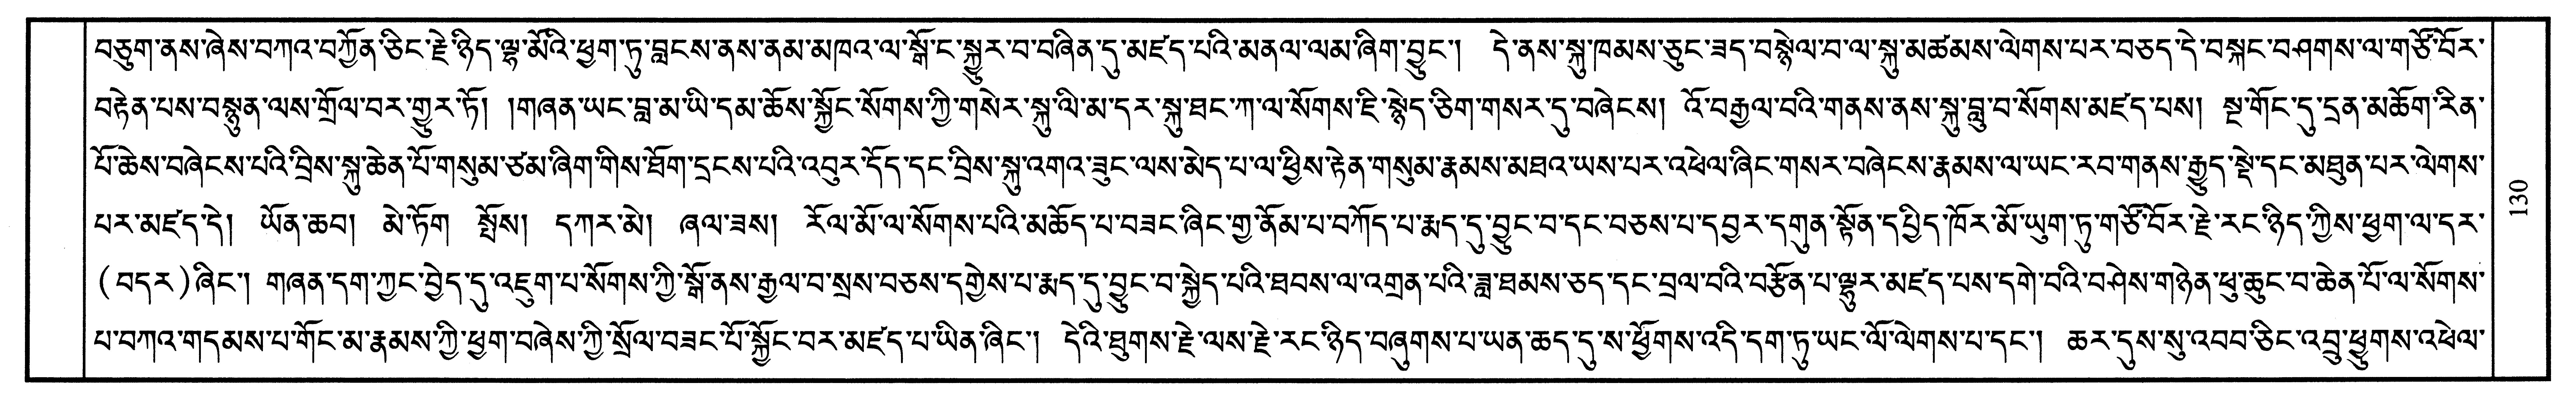བཅུག་ནས་ཞེས་བཀའ་བཀྱོན་ཅིང་རྗེ་ཉིད་ལྷ་མོའི་ཕྱག་ཏུ་བླངས་ནས་ནམ་མཁའ་ལ་སྒོ་ང་སྐྱུར་བ་བཞིན་དུ་མཛད་པའི་མནལ་ལམ་ཞིག་བྱུང་། དེ་ནས་སྐུ་ཁམས་ཅུང་ཟད་བསྙེལ་བ་ལ་སྐུ་མཚམས་ལེགས་པར་བཅད་དེ་བསྐང་བཤགས་ལ་གཙོ་བོར་
བརྟེན་པས་བསྙུན་ལག་གྲོལ་བར་གྱུར་ཏོ། །གཞན་ཡང་བླ་མ་ཡི་དམ་ཆོས་སྐྱོང་སོགས་ཀྱི་གསེར་སྐུ་མི་མ་དར་སྐུ་ཐང་ཀ་ལ་སོས་ཇི་སྙེད་ཅིག་གསར་དུ་བཞེངས། འོ་བརྒྱལ་བའི་གནས་ནས་སྐུ་བླུ་བ་སོགས་མཛད་པས། སྔ་གོང་དུ་དྲག་མཆོག་རིན་
པོ་ཆེས་བཞེངས་པའི་བྲིས་སྐུ་ཆེན་པོ་གསུམ་ཙམ་ཞིག་གིས་ཐོག་དྲངས་པའི་འབུར་དོད་དང་བྲིས་སྐུ་འགའ་ཟུང་ལས་མེད་པ་ལ་ཕྱིས་རྟེན་གསུམ་རྣམས་མཐའ་ཡས་པར་འཕེལ་ཞིང་གསར་བཞེངས་རྣམས་ཨ་ཡང་རབ་གནས་རྒྱུད་སྡེ་དང་མཐུན་པར་ལེགས་
པར་མཛད་དེ། ཡོན་ཆབ། མེ་ཏོག་སྤོས། དཀར་མེ། ཞལ་ཟས། རོལ་མོ་ལ་སོགས་པའི་མཆོད་པ་བཟང་ཞིང་གྱ་ནོམ་པ་བཀོད་པ་རྨད་དུ་བྱུང་བ་དང་བཅས་དབྱར་དགུན་སྟོད་དཔྱིད་ཁོར་མོ་ཡུག་ཏུ་གཙོ་བོར་རྗེ་རང་ཉིད་ཀྱིས་ཕྱག་ལ་དར་
བདར་ཞིང་། གཞན་དག་ཀྱང་བྱེད་དུ་འཇུག་པ་སོགས་ཀྱི་སྒོ་ནས་རྒྱལ་བ་སྲས་བཅས་དགྱེས་པ་རྨད་དུ་བྱུང་བ་སྐྱེད་པའི་ཐབས་ལ་འགྲན་པའི་ཟླ་ཐམས་ཅད་དང་བྲལ་བའི་བརྩོན་པ་ལྷུར་མཛད་པས་དགེ་བའི་བཤེས་གཉེན་ཕུ་ཆུང་བ་ཆེན་པོ་ལ་སོགས་
པ་བཀའ་གདམས་པ་གོང་མ་རྣམས་ཀྱི་ཕྱག་བཞེས་ཀྱི་སྲོལ་བཟང་པོ་སྐྱོང་བར་མཛད་པ་ཡིན་ཞིང་། དེའི་ཐུགས་རྗེ་ལས་རྗེ་རང་ཉིད་བཞུགས་པ་ཡན་ཆད་དུ་ས་ཕྱོགས་འདི་དག་ཏུ་ཡང་ལོ་ལེགས་པ་དང་། ཆར་དུས་སུ་འབབ་ཅིང་འབྲུ་ཕྱུགས་འཕེལ་